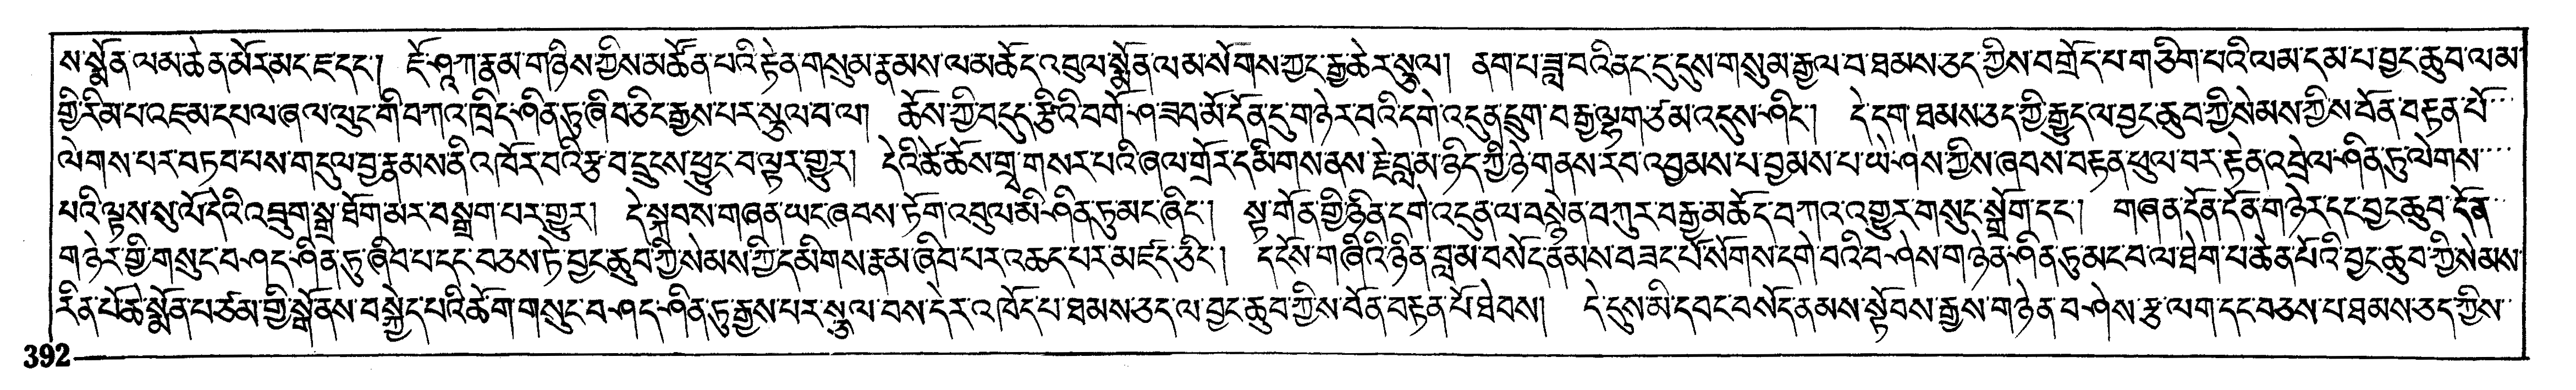ས་སྨོན་ལམ་ཆེན་མོར་མང་ཇ་དང་། ཇོ་ཤཱཀ་རྣམ་གཉིས་ཀྱིས་མཚོན་པའི་རྟེན་གསུམ་རྣམས་ལ་མཆོད་འབུལ་སྨོན་ལམ་སོགས་ཀྱང་རྒྱ་ཆེར་སྩལ། ནག་པ་ཟླ་བའི་ནང་དུ་དུས་གསུམ་རྒྱལ་བ་ཐམས་ཅད་ཀྱིས་བགྲོད་པ་གཅིག་པའི་ལམ་དམ་པ་བྱང་ཆུབ་ལམ་
གྱི་རིམ་པ་འཇམ་དཔལ་ཞལ་ལུང་གི་བཀའ་ཁྲིད་ཤིན་ཏུ་ཞིབ་ཅིང་རྒྱས་པར་སྩལ་བ་ལ། ཆོས་ཀྱི་བདུད་རྩིའི་བགོ་ཤ་ཟ་བ་མོ་དོན་དུ་གཉེར་བའི་དགེ་འདུན་དྲུག་བརྒྱ་ལྷག་ཙམ་འདུས་ཤིང་། དེ་དག་ཐམས་ཅད་ཀྱི་རྒྱུད་ལ་བྱང་ཆུབ་ཀྱི་སེམས་ཀྱི་ས་བོན་བརྟན་པོ་
ལེགས་པར་བཏབ་པས་གདུལ་བྱ་རྣམས་ནི་འཁོར་བའི་རྩ་བ་དྲུངས་ཕྱུང་བལྟར་གྱུར། དེའི་ཚེ་ཆོས་གྲྭ་གསར་བའི་ཞལ་གྲོར་དམིགས་ནས་རྗེ་བླ་མ་ཉིད་ཀྱི་ཉེ་གནས་རབ་འབྱམས་པ་བྱམས་པ་ཡེ་ཤེས་ཀྱིས་ཞབས་བརྟན་ཕུལ་བར་རྟེན་འབྲེལ་ཤིན་ཏུ་ལེགས་
པའི་ལྟས་སུ་ལོ་དེའི་འབྲུག་སྒྲ་ཐོག་མར་བསྒྲག་པར་གྱུར། དེ་སྐབས་གཞན་ཡང་ཞབས་ཏོག་འབུལ་མི་ཤིན་ཏུ་མང་ཞིང་། སྟ་གོན་གྱི་ཉིན་དགེ་འདུན་ལ་བསྙེན་བཀུར་བརྒྱ་མཆོད་བཀའ་འགྱུར་གསུང་སྒྲོག་དང་། གཞན་དོན་དོན་གཉེར་དང་བྱང་ཆུབ་དོན་
གཉེར་གྱི་གསུང་བཤད་ཤིན་ཏུ་ཞིབ་པ་དང་བཅས་ཏེ་བྱང་ཆུབ་ཀྱི་སེམས་ཀྱི་དམིགས་རྣམ་ཞིབ་པར་འཆད་པར་མཛད་ཅིང་། དངོས་གཞིའི་ཉིན་བླ་མ་བསོད་ནམས་བཟང་པོ་སོགས་དགེ་བའི་བཤེས་གཉེན་ཤིན་ཏུ་མང་བ་ལ་ཐེག་པ་ཆེན་པོའི་བྱང་ཆུབ་ཀྱི་སེམས་
རིན་པོ་ཆེ་སྨོན་པ་ཙམ་གྱི་སྒོ་ནས་བསྐྱེད་པའི་ཆོ་ག་གསུང་བཤད་ཤིན་ཏུ་རྒྱས་པར་སྩལ་བས་དེར་འཁོད་པ་ཐམས་ཅད་ལ་བྱང་ཆུབ་ཀྱི་ས་བོན་བརྟན་པོ་ཐེབས། དེ་དུས་མི་དབང་བསོད་ནམས་སྟོབས་རྒྱས་གཉེར་བཤེས་རྩ་ལག་དང་བཅས་པ་ཐམས་ཅད་ཀྱིས་